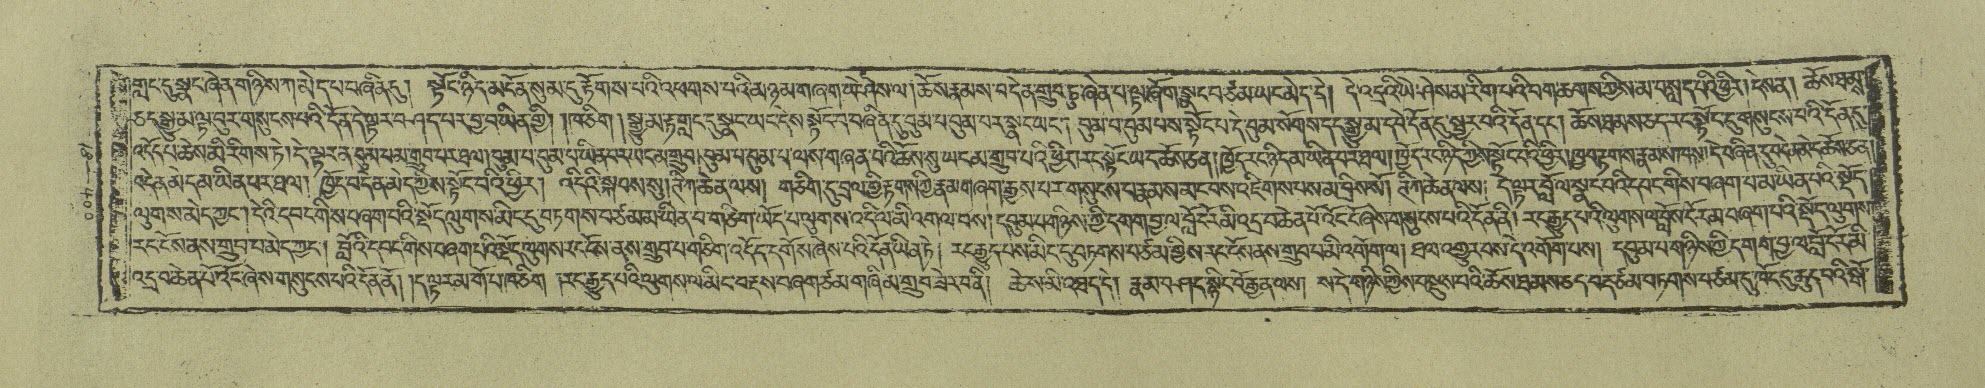གླང་དུ་སྣང་ཞེན་གཉིས་ཀ་མེད་པ་བཞིན་དུ། སྟོང་ཉིད་མངོན་སུམ་དུ་རྟོགས་པའི་འཕགས་པའི་མཉམ་གཞག་ཡེ་ཤེས་ལ། ཆོས་རྣམས་བདེན་གྲུབ་ཏུ་ཞེན་བ་ལྟ་ཞོག་སྣང་བ་ཙམ་ཡང་མེད་དེ། དེ་འདྲའི་ཡེ་ཤེས་མ་རིག་པའི་བག་ཆགས་ཀྱིས་མ་བསླད་པའི་ཕྱིར། དེས་ན། ཆོས་ཐམས་
ཅད་སྒྱུ་མ་ལྟ་བུར་གསུངས་པའི་དོན་དེ་ལྟར་བཤད་པར་བྱ་བ་ཡིན་གྱི། །ཁ་ཅིག །སྒྱུ་མ་རྟ་གླང་དུ་སྣང་ཡང་དེས་སྟོང་པ་བཞིན་དུ་བུམ་པ་བུམ་པར་སྣང་ཡང་། བུམ་པ་བུམ་པས་སྟོང་པ་དེ་བུམ་སོགས་དང་སྒྱུ་མ་དཔེ་དོན་དུ་སྦྱར་བའི་དོན་དང་། ཆོས་ཐམས་ཅད་རང་སྟོང་དུ་གསུངས་པའི་དོན་དུ་
འདོད་པ་ཆོས་མི་རིགས་ཏེ། དེ་ལྟར་ན་བུམ་པ་མ་གྲུབ་པར་ཐལ། བུམ་པ་བུམ་པ་ཡིན་པར་ཡང་མ་གྲུབ། བུམ་པ་བུམ་པ་ལས་གཞན་པའི་ཆོས་སུ་ཡང་མ་གྲུབ་པའི་ཕྱིར། རང་སྟོང་ཡང་ཆོས་ཅན། ཁྱོད་རང་ཉིད་མ་ཡིན་པར་ཐལ། ཁྱོད་རང་ཉིད་ཀྱིས་སྟོང་པའི་ཕྱིར། ཁྱབ་རྟགས་རྣམས་ཁས། དེ་བཞིན་དུ་བདེན་མེད་ཆོས་ཅན་
བདེན་མེད་མ་ཡིན་པར་ཐལ། ཁྱོད་བདེན་མེད་ཀྱིས་སྟོང་པའི་ཕྱིར། འདིའི་སྐབས་སུ། ཊིཀ་ཆེན་ལས། གཅིག་དུ་བྲལ་གྱི་རྟགས་ཀྱི་རྣམ་གཞག་རྒྱས་པར་གསུངས་པ་རྣམས་མང་བས་འཇིགས་པས་མ་བྲིས་སོ། ཊིཀ་ཆེན་ལས། དེ་ལྟར་བློ་ལ་སྣང་བའི་དབང་གིས་བཞག་པ་མ་ཡིན་པའི་སྡོད་
ལུགས་མེད་ཀྱང་། དེའི་དབང་གིས་བཞག་པའི་སྡོད་ལུགས་མིང་དུ་བཏགས་པ་ཙམ་མ་ཡིན་པ་གཅིག་ཡོད་པ་ལུགས་འདི་ལ་མི་འགལ་བས། དབུ་མ་པ་གཉིས་ཀྱི་དགག་བྱ་ལ་བློ་ངོར་མི་འདྲ་བ་ཆེན་པོ་འོང་ངོ་ཞེས་གསུངས་པའི་དོན་ནི། རང་རྒྱུད་པའི་ལུགས་ལ་བློ་སར་རམ་བཞག་པའི་སྡོད་ལུགས་
རང་ངོས་ནས་གྲུབ་པ་མེད་ཀྱང་། བློའི་དབང་གིས་བཞག་པའི་སྡོད་ལུགས་རང་ངོས་ནས་གྲུབ་པ་གཅིག་འདོད་དགོས་ཞེས་པའི་དོན་ཡིན་ཏེ། རང་རྒྱུད་བས་མིང་དུ་བཏགས་པ་ཙམ་གྱིས་རང་ངོས་ནས་གྲུབ་པ་མི་འགོག་ལ། ཐལ་འགྱུར་བས་དེ་འགོག་པས། དབུ་མ་པ་གཉིས་ཀྱི་དགག་བྱ་ལ་བློ་ངོར་མི་
འདྲ་བ་ཆེན་པོ་འོང་ཞེས་གསུངས་པའི་དོན་ནོ། །དེ་ལྟར་མ་གོ་བ་ཁ་ཅིག །རང་རྒྱུད་པའི་ལུགས་ལ་མིང་བརྡས་བཞག་ཙམ་གཞི་མ་གྲུབ་ཟེར་བ་ནི། ཆེས་མི་འཐད་དེ། རྣམ་བཤད་སྙིང་པོ་རྒྱན་ལས། ས་དེ་གཉིས་ཀྱིས་བསྡུས་པའི་ཆོས་ཐམས་ཅད་བརྡ་ཙམ་བཏགས་པ་ཙམ་དུ་ཁོང་དུ་ཆུད་པའི་སྒོ་